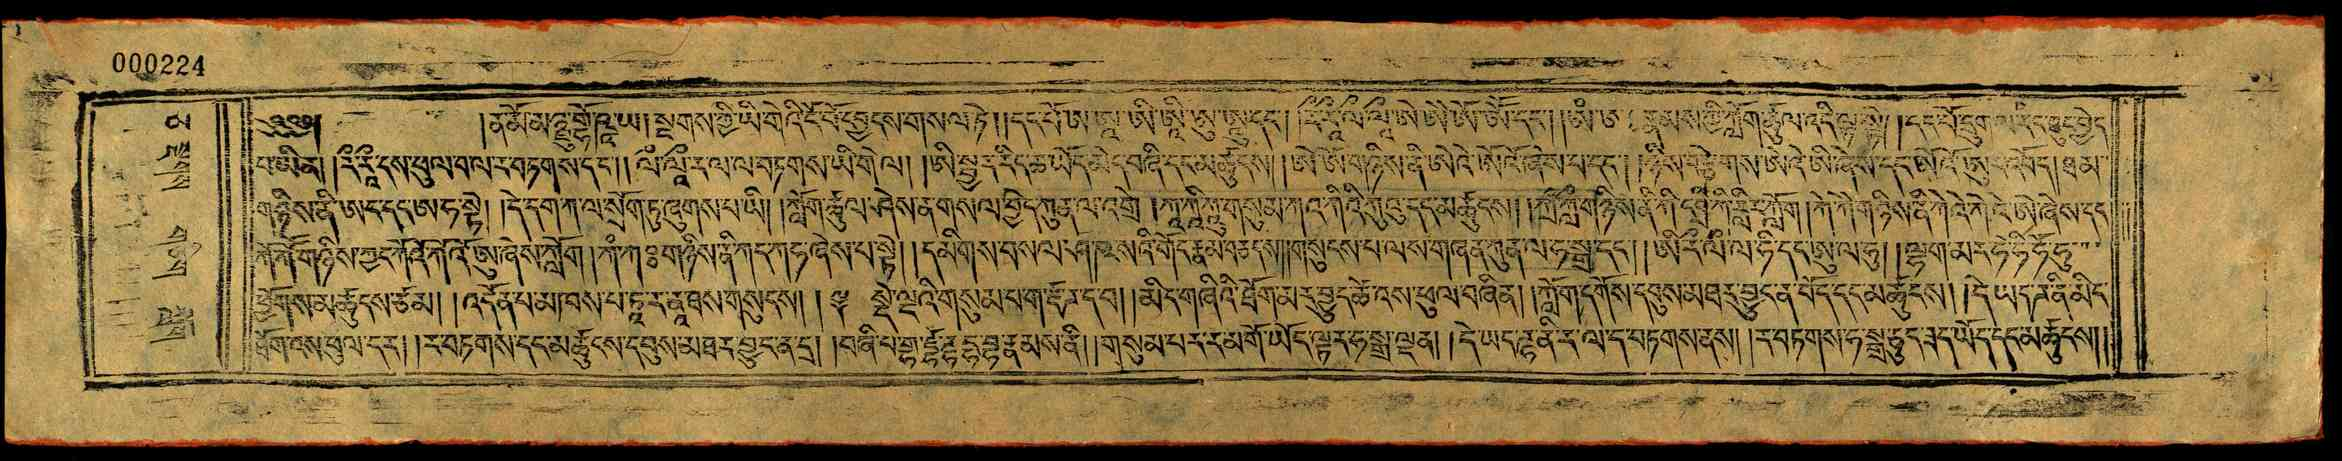༄༅༅། །ན་མ་མཉྫུ་གྷོ་ཥ་ཡ། །སྔགས་ཀྱི་ཡི་གེའི་ངོ་བོ་དབྱངས་གསལ་ཏེ། །དང་པོ་ཨ་ཨཱ་ཨི་ཨཱི་ཨུ་ཨཱུ་དང་། །རྀ་རཱྀ་ལE་ལཱE་ཨེ་EE་ཨོ་ཨཽ་དང་། །ཨོ་ཨ༑ རྣམས་ཀྱི་ཀློག་ཚུལ་འདི་ལྟ་སྟེ། །དང་པོ་དྲུག་ལ་རིང་ཐུང་བྱེད་
པ་ཡིན། །རྀ་རཱྀ་དས་ཕུལ་བ་ལ་རབ་བཏགས་དང་། །ལྀ་ལཱྀ་ར་ལ་ལ་བཏགས་ཡི་གེ་ལ། །ཨི་སྦྱར་རིང་ཆ་ཡོད་མེད་བཞི་དང་མཚུངས། །ཨེ་ཨོ་གཉིས་ནི་ཨེའེ་ཨོའོ་ཞེས་པ་དང་། །ཉིས་བརྩེགས་ཨེའེ་ཨི་ཞེས་དང་ཨོའོ་ཨུང་འབོད། ཐ་མ་
གཉིས་ནི་ཨང་དང་ཨ་ཧ་སྟེ། །དེ་དག་ཀ་ལ་སྲོག་ཏུ་ཞུགས་པ་ཡི། །ཀློག་ཚུལ་ཤེས་ན་གསལ་བྱེད་ཀུན་ལ་འགྲེ། ཀཱ་ཀཱཾ་ཀཱ་གསུམ་ཀའ་ཀིའི་ཀུའུ་དང་མཚུངས། །ཀྲྀ་ཀླྀ་གཉིས་ནི་ཀི་དཔྲི་ཀི་རླིང་ཀློག། ཀེ་ཀཻ་གཉིས་ནི་ཀེའེ་ཀེའེ་ཨི་ཞེས་དང་
ཀོ་ཀཽ་གཉིས་ཀྱང་ཀོའོ་ཀོའོ་ཨུ་ཞེས་ཀློག། །ཀཾ་ཀ༑ གཉིས་ནི་ཀང་ཀ་ཧ་ཞེས་པ་སྟེ། །དམིགས་བསལ་ཤ་ཥ་སའི་གོང་རྣམ་བཅད་ས། །གསུངས་པ་ལས་གཞན་ཀུན་ལ་ཧ་སྒྲ་དང་། །ཨི་རྀ་ལྀ་ལ་ཧི་དང་ཨུ་ལ་ཧུ། །ལྷག་མར་ཧེ་ཧཾ་ཧོ་ཧུ་
ཕྱོགས་མཚུངས་ཙམ། །འདོན་པ་མཁས་པ་ཏཱ་ར་ནཱ་ཐས་གསུངས། །འ་སྡེ་ལྔའི་གསུམ་བ་ག་ཇ་ཌ་ད་བ། །མིང་གཞིའི་ཐོག་མར་བྱུང་ཆོ་འས་ཕུལ་བཞིན། །ཀློག་དགོས་དབུས་མཐར་བྱུང་ན་བོད་དང་མཚུངས། །དེ་ཡང་ཌ་ནི་མིང་
ཐོག་འས་ཕུལ་དར། །ར་བཏགས་དང་མཚུངས་དབུས་མཐར་བྱུང་ན་དྲ། །བཞི་པ་བྷ་ཛྷ་ཌྷ་དྷ་བྷ་རྣམས་ནི། །གསུམ་པར་ར་མགོ་ཡོད་ལྟར་ཧ་སྒྲ་ལྡན། །དེ་ཡང་ཌྷ་ནི་ར་ལ་ད་བཏགས་ནས། །ར་བཏགས་ཧ་སྒྲ་ཅུང་ཟད་ཡོད་དང་མཚུངས།